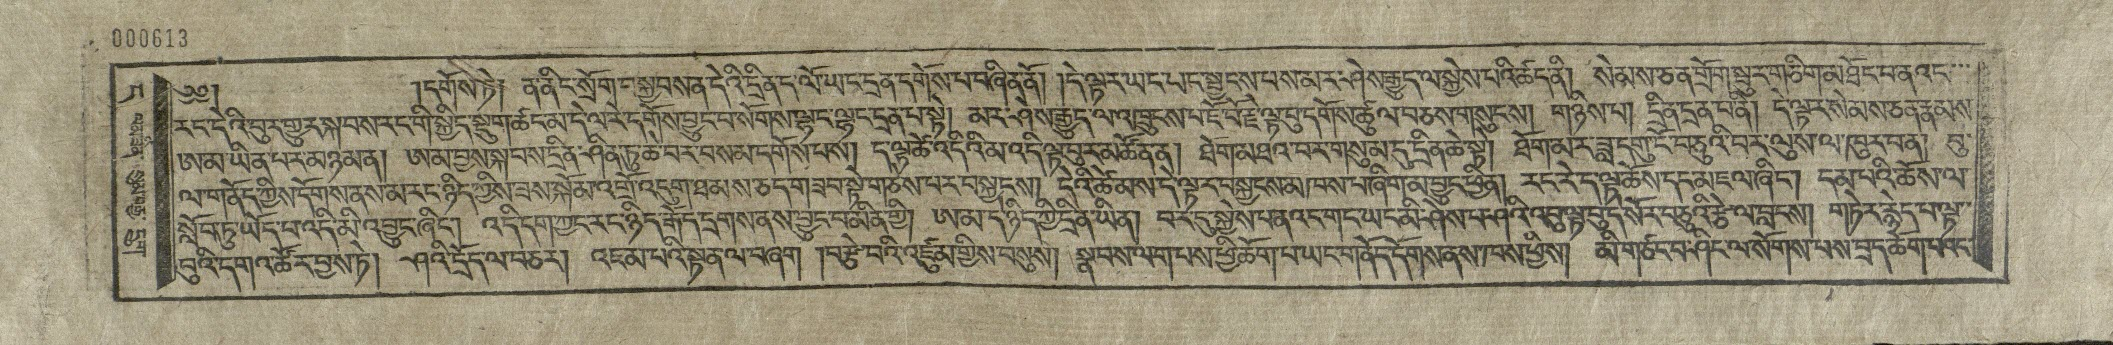༄༅། །དགོས་ཏེ། ན་ནིང་སྲོག་བསྐྱབས་ན་དེའི་དྲིན་ད་ལོ་ཡང་དྲན་དགོས་པ་བཞིན་ནོ། །དེ་ལྟར་ཡང་ཡང་སྦྱངས་པས་མར་ཤེས་རྒྱུད་ལ་སྐྱེས་པའི་ཚད་ནི། སེམས་ཅན་གྲོག་སྦུར་གཅིག་མཐོང་བ་ནའང་
རང་དེའི་བུར་གྱུར་སྐབས་རང་གི་སྐྱིད་སྡུག་ཚང་མ་དེ་ལ་རེ་དགོས་བྱུང་བ་སོགས་ལྷང་ལྷང་དྲན་པ་སྟེ། མར་ཤེས་རྒྱུད་ལ་འཁྲུངས་པ་ཇོ་བོ་རྗེ་ལྟ་བུ་དགོས་ཚུལ་བཅས་གསུངས། གཉིས་པ། དྲིན་དྲན་པ་ནི། དེ་ལྟར་སེམས་ཅན་རྣམས་
ཨ་མ་ཡིན་པར་མཉམ་ན། ཨ་མ་བྱས་སྐབས་དྲིན་ཤིན་ཏུ་ཆེ་བར་བསམ་དགོས་པས། ད་ལྟ་ཚེ་འདིའི་མ་འདི་ལྟ་བུར་མཚོན་ན། ཐོག་མཐའ་བར་གསུམ་དུ་དྲིན་ཆེ་སྟེ། ཐོག་མར་ཟླ་དགུ་ངོ་བཅུའི་བར་ལུས་ལ་ཁུར་བ་ན། བུ་
ལ་གནོད་ཀྱིས་དོགས་ནས་མ་རང་ཉིད་ཀྱིས་ཟས་སྐོམ་འགྲོ་འདུག་ཐམས་ཅད་གཟབ་སྟེ་གཅེས་པར་བསྐྱངས། དེའི་ཚེ་མས་དེ་ལྟར་བསྐྱངས་མཁས་པ་ཞིག་མ་བྱུང་ཕྱིན། རང་རེ་ད་ལྟ་ཆོས་དང་མཇལ་ཞིང་། དམ་པའི་ཆོས་ལ་
སློབ་ཏུ་ཡོད་པ་འདི་མི་འབྱུང་ཞིང་། འདི་དག་ཀྱང་རང་ཉིད་རྒོད་དྲགས་ནས་བྱུང་བ་མིན་གྱི། ཨ་མ་དེ་ཉིད་ཀྱི་དྲིན་ཡིན། བར་དུ་སྐྱེས་པ་ནའང་གང་ཡང་མི་ཤེས་པ་ཤའི་འབུ་ལྟ་བུ་དེ་སོར་བཅུའི་རྩེ་ལ་བླངས། གཏེར་རྙེད་པ་ལྟ་
བུའི་དགའ་ཚོར་བྱས་ཏེ། ཤའི་དྲོད་ལ་བཅར། འཇམ་པའི་སྟན་ལ་བཞག །བརྩེ་བའི་འཛུམ་གྱིས་བསུས། སྣབས་ལག་པས་ཕྱི་ཆོག་པ་ཡང་གནོད་དོགས་ནས་ཁས་ཕྱིས། མི་གཙང་བ་ཤིང་ལ་སོགས་པས་བྲད་ཆོག་པའང་